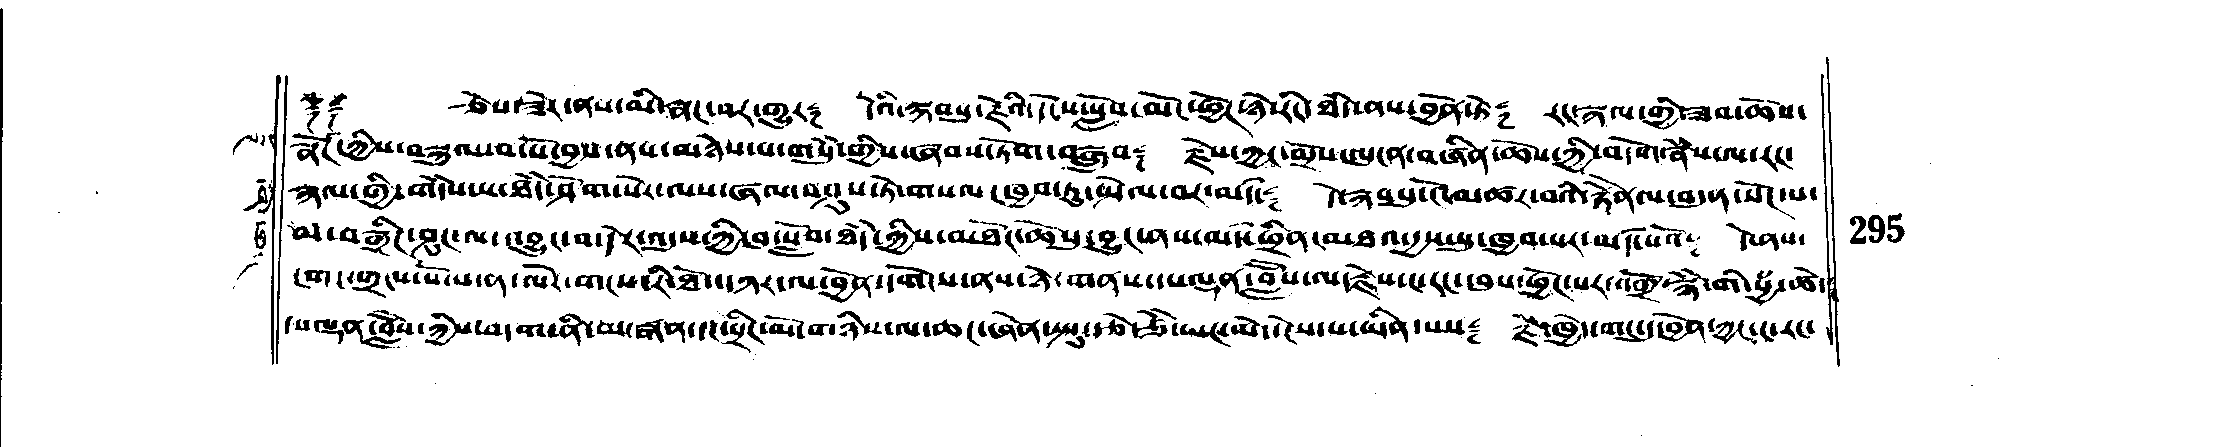ཅིག །ཅེས་ཟེར་ནས་མི་སྣང་བར་གྱུར། དེའི་སྐབས་སུ་རྗེའི་དངོས་སློབ་མང་པོ་ཕྱོགས་ཉེ་རིང་ཐམས་ཅད་ནས་བྱོན་ཏེ། རང་སྐལ་གྱི་ཟབ་ཆོས་
སྣ་ཚོགས་ཀྱིས་བསྐུལ་བ་པོ་བྱས་ནས་མཉེས་པ་གསུམ་གྱིས་ཞབས་ཏོག་བསྒྲུབ། རྗེས་ཀྱང་མཁའ་འགྲོས་ལུང་བསྟན་བཞིན་ཆོས་ཀྱི་བདག་པོ་རྣམས་ལ་རང་
སྐལ་གྱི་གདམས་པ་ཐམས་ཅད་ཤོག་སེར་ལས་ཞལ་བཤུས་ཏེ་གསལ་ཁྱབ་ཏུ་སྤེལ་བར་མཛད། དེ་སྐབས་སུ་ངོ་མཚར་བའི་རྟེན་འབྲེལ་བདུན་སོགས་པ་
མ་བསྒྲིགས་ཤུགས་ལ་འབྱུང་བ་དེར་འདུས་ཀྱི་བུ་སློབ་ཐམས་ཅད་ཀྱིས་མཐོང་ཆོས་སུ་བྱུང་ནས་མཛད་ཕྲིན་མཐའ་རྒྱས་སུ་ཁྱབ་པར་མཛད་པའོ། དེ་ནས་
དགུང་གྲངས་སོ་བདུན་ལོར་གངས་རི་ཐོད་དཀར་ལ་བྱོན་དགོངས་ནས་ཉེ་གནས་དཔལ་ལྡན་བློ་གྲོས་ལ་རྗེས་ང་རང་དབུས་ཕྱོགས་སར་འགྲོ་སྙམ་གྱི་གསུང་ཚེ། 
དཔལ་ལྡན་བློ་གྲོས་ཀྱིས་བདག་ནི་མ་རྒན་དང་སྲིང་མོ་གཉིས་ལ་ཆགས་ཞེན་སྤུ་རྩེ་ཙམ་ཡང་མེད་ངེས་པ་ཡིན་པས། རྗེ་ཁྱེད་གང་དུ་བྱོན་ཀྱང་ང་རང་